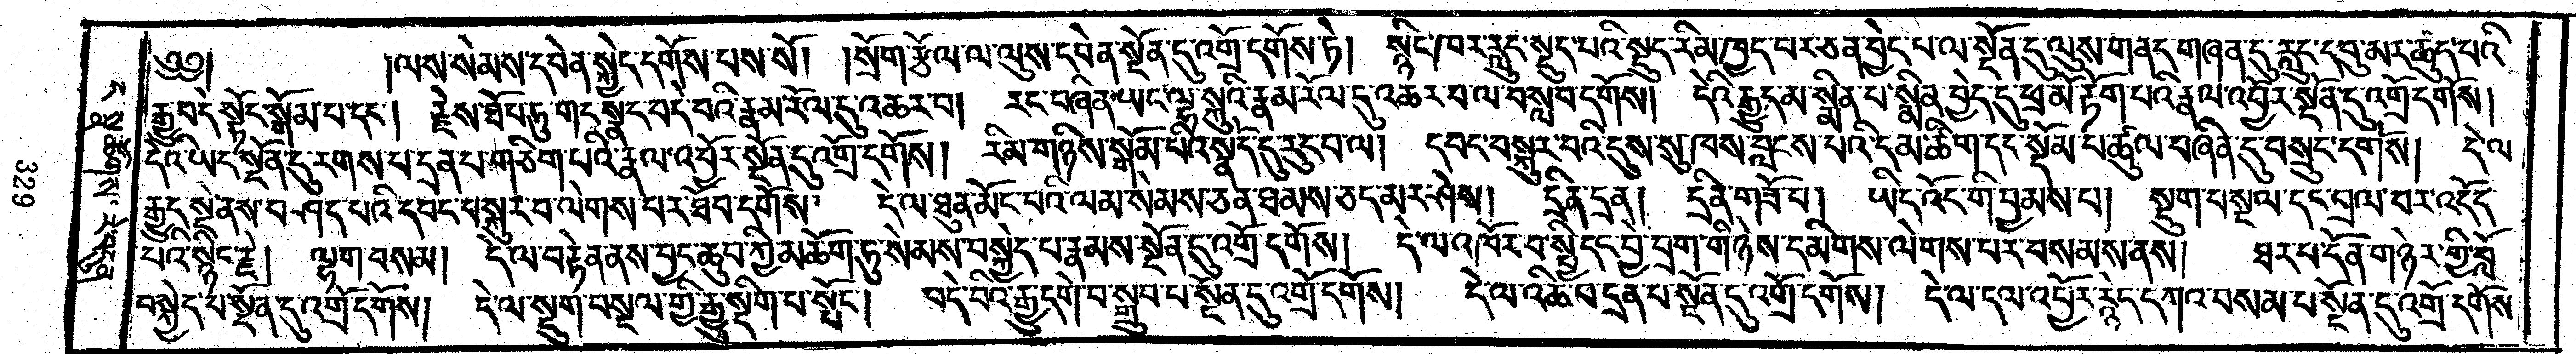༄༅། །ལས་སེམས་དབེན་སྐྱེད་དགོས་པས་སོ། །སྲོག་རྩོལ་ལ་ལུས་དབེན་སྔོན་དུ་འགྲོ་དགོས་ཏེ། སྙིང་ཁར་རླུང་སྡུད་པའི་སྡུད་རིམ་ཁྱད་པར་ཅན་བྱེད་པ་ལ་སྔོན་དུ་ལུས་གནད་གཞན་དུ་རླུང་དབུ་མར་ཚུད་པའི་
རྒྱུ་བདེ་སྟོང་སྒོམ་པ་དང་། རྗེས་ཐོབ་ཏུ་གང་སྣང་བདེ་བའི་རྣམ་རོལ་དུ་འཆར་བ། རང་བཞིན་ཡང་ལྷ་སྐུའི་རྣམ་རོལ་དུ་འཆར་བ་ལ་བསླབ་དགོས། དེའི་རྒྱུད་མ་སྨིན་པ་སྨིན་བྱེད་དུ་ཕྲ་མོ་རྟོག་པའི་རྣལ་འབྱོར་སྔོན་དུ་འགྲོ་དགོས།
དེའི་ཡང་སྔོན་དུ་རགས་པ་དྲན་པ་གཅིག་པའི་རྣལ་འབྱོར་སྔོན་དུ་འགྲོ་དགོས། རིམ་གཉིས་སྒོམ་པའི་སྣོད་དུ་རུང་བ་ལ། དབང་བསྐུར་བའི་དུས་སུ་ཁས་བླངས་པའི་དམ་ཚིག་དང་སྡོམ་པ་ཚུལ་བཞིན་དུ་བསྲུང་དགོས། དེ་ལ་
རྒྱུད་སྡེ་ནས་བཤད་པའི་དབང་བསྐུར་བ་ལེགས་པར་ཐོབ་དགོས། དེ་ལ་ཐུན་མོང་བའི་ལམ་སེམས་ཅན་ཐམས་ཅད་མར་ཤེས། དྲིན་དྲན། དྲིན་གཟོ་བ། ཡིད་འོང་གི་བྱམས་པ། སྡུག་བསྔལ་དང་བྲལ་བར་འདོད་
པའི་སྙིང་རྗེ། ལྷག་བསམ། དེ་ལ་བརྟེན་ནས་བྱང་ཆུབ་ཀྱི་མཆོག་ཏུ་སེམས་བསྐྱེད་པ་རྣམས་སྔོན་དུ་འགྲོ་དགོས། དེ་ལ་འཁོར་བ་སྤྱི་དང་བྱེ་བྲག་གི་ཉེས་དམིགས་ལེགས་པར་བསམས་ནས། ཐར་པ་དོན་གཉེར་གྱི་བློ་
བསྐྱེད་པ་སྔོན་དུ་འགྲོ་དགོས། དེ་ལ་སྡུག་བསྔལ་གྱི་རྒྱུ་སྡིག་པ་སྤོང་། བདེ་བའི་རྒྱུ་དགེ་བ་སྒྲུབ་པ་སྔོན་དུ་འགྲོ་དགོས། དེ་ལ་འཆི་བ་དྲན་པ་སྔོན་དུ་འགྲོ་དགོས། དེ་ལ་དལ་འབྱོར་རྙེད་དཀའ་བསམ་པ་སྔོན་དུ་འགྲོ་དགོས་